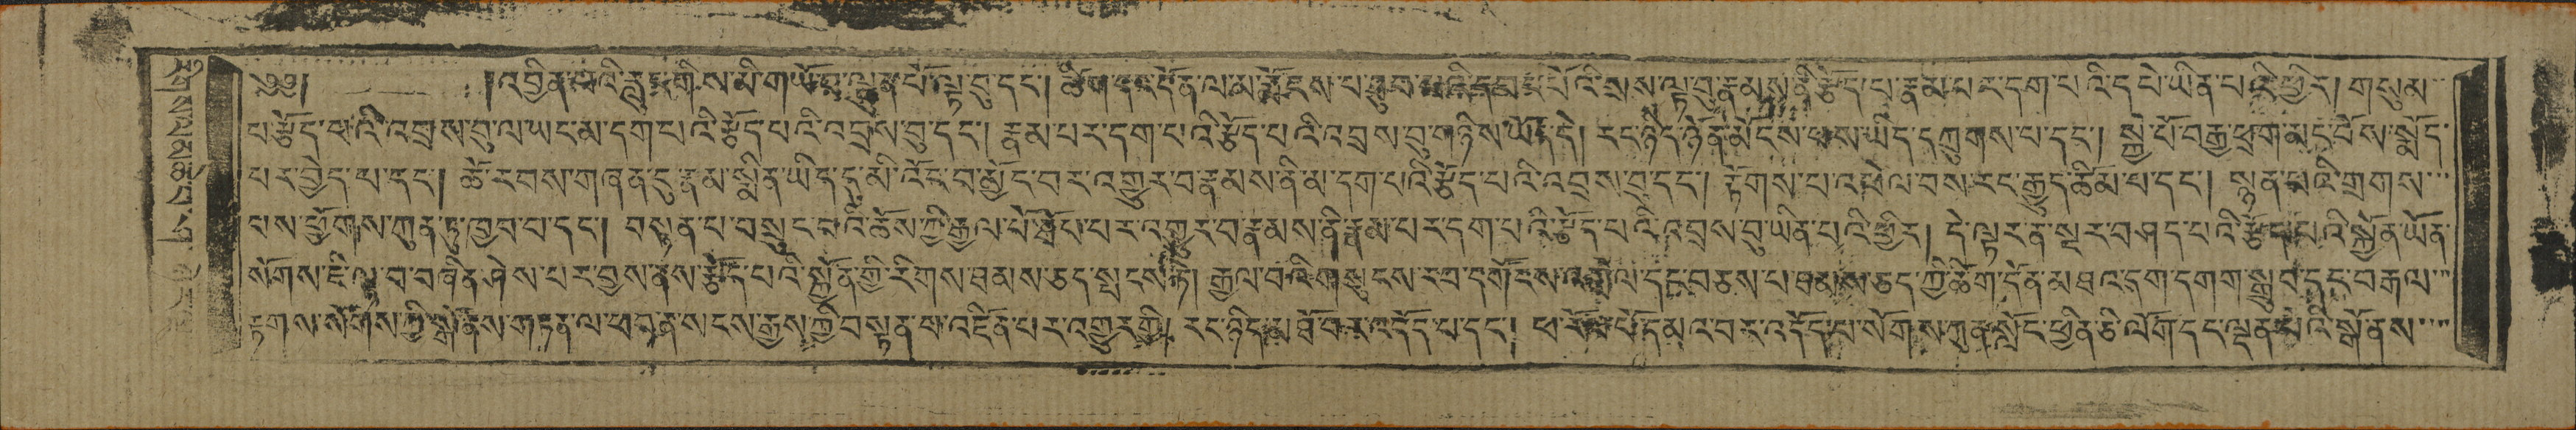༄༅། །འབྱིན་པའི་རླུང་གིས་མི་གཡོ་བ་ལྷུན་པོ་ལྟ་བུ་དང་། ཚིག་དང་དོན་ལ་མ་རྨོངས་པ་ཐུབ་པའི་དབང་པོའི་སྲས་ལྟ་བུ་རྣམས་ནི་རྩོད་པ་རྣམ་པར་དག་པའི་དཔེ་ཡིན་པའི་ཕྱིར། གསུམ་
པ་རྩོད་པའི་འབྲས་བུ་ལ་ཡང་མ་དག་པའི་རྩོད་པའི་འབྲས་བུ་དང་། རྣམ་པར་དག་པའི་རྩོད་པའི་འབྲས་བུ་གཉིས་ཡོད་དེ། རང་ཉིད་ཉོན་མོངས་པས་ཡིད་དཀྲུགས་པ་དང་། སྐྱེ་པོ་བརྒྱ་ཕྲག་མང་པོས་སྨོད་
པར་བྱེད་པ་དང་། ཚེ་རབས་གཞན་དུ་རྣམ་སྨིན་ཡིད་དུ་མི་འོང་བ་མྱོང་བར་འགྱུར་བ་རྣམས་ནི་མ་དག་པའི་རྩོད་པའི་འབྲས་བུ་དང་། རྟོགས་པ་འཕེལ་བས་རང་རྒྱུད་ཚིམ་པ་དང་། སྙན་པའི་གྲགས་
པས་ཕྱོགས་ཀུན་ཏུ་ཁྱབ་པ་དང་། བསྟན་པ་བསྲུང་བའི་ཆོས་ཀྱི་རྒྱལ་པོ་ཐོབ་པར་འགྱུར་བ་རྣམས་ནི་རྣམ་པར་དག་པའི་རྩོད་པའི་འབྲས་བུ་ཡིན་པའི་ཕྱིར། དེ་ལྟར་ན་སྔར་བཤད་པའི་རྩོད་པའི་སྐྱོན་ཡོན་
སོགས་ཇི་ལྟ་བ་བཞིན་ཤེས་པར་བྱས་ནས་རྩོད་པའི་སྐྱོན་གྱི་རིགས་ཐམས་ཅད་སྤངས་ཏེ། རྒྱལ་བའི་གསུངས་རབ་དགོངས་འགྲེལ་དང་བཅས་པ་ཐམས་ཅད་ཀྱི་ཚིག་དོན་མཐའ་དག་དགག་སྒྲུབ་དང་བརྒལ་
རྟགས་སོགས་ཀྱི་སྒོ་ནས་གཏན་ལ་ཕབ་ན་སངས་རྒྱས་ཀྱི་བསྟན་པ་འཛིན་པར་འགྱུར་གྱི། རང་ཉིད་མཐོ་བར་འདོད་པ་དང་། ཕ་རོལ་པོ་དམའ་བར་འདོད་པ་སོགས་ཀུན་སློང་ཕྱིན་ཅི་ལོག་དང་ལྡན་པའི་སྒོ་ནས་